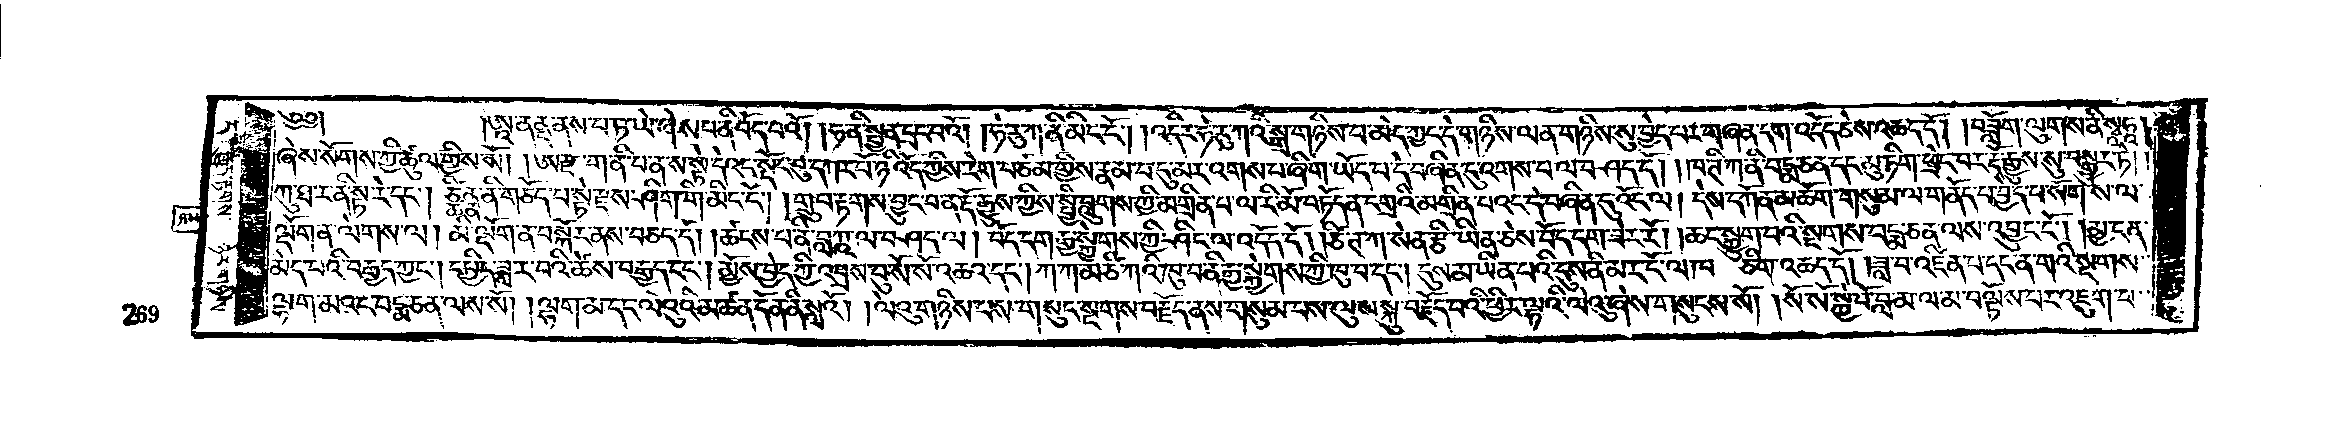༄༅། །ཨཱ་ནནྡ་ནས་པ་ཏ་ཡེ་ཞེས་པ་ནི་བོད་པའོ། །ཧ་ནི་སྤྱན་དྲང་བའོ། །ཧེ་རུ་ཀ་ནི་མིང་ངོ། །འདིར་ཧེ་རུ་ཀའི་སྒྲ་གཉིས་པ་མེད་ཀྱང་དེ་གཉིས་ལན་གཉིས་སུ་བྱེད་པར་གཞན་དག་འདོད་ཅེས་འཆད་དོ། །བཟློག་ལུགས་ནི་སྭཱཧཱ།
ཞེས་སོགས་ཀྱི་ཚུལ་གྱིས་སོ། །ཨརྫ་ག་ནི་པ་ན་ས་སྟེ་དེའང་སྡོང་བུ་དཀར་པོ་ཉི་འོད་ཀྱིས་རེག་པ་ཙམ་གྱིས་རྣམ་པ་དུ་མར་འགས་པ་ཞིག་ཡོད་པ་དེ་བཞིན་དུ་འགས་པ་ལ་བཤད་དོ། །ཁ་ཊི་ཀ་ནི་པདམ་ཅན་དང་མུ་ཏིག་ཕྲེང་བར་རྡོ་རྒྱུས་སུ་བསྒྱུར་ཏེ། །
ཀུ་ཐ་ར་ནི་སྟ་རེ་དང་། ཙྪིནྣ་ནི་གཅོད་པ་སྟེ་རྫས་ཤིག་གི་མིང་ངོ། །གྲུབ་རྟགས་བྱུང་བ་ན་རྡོ་རྒྱུས་ཀྱིས་སྤྱི་བླུགས་ཀྱི་མགྲིན་པ་ལ་རི་མོ་བཏོད་ན་དགྲའི་མགྲིན་པའང་དེ་བཞིན་དུ་འོང་ལ། དེས་དཀོན་མཆོག་གསུམ་ལ་གནོད་པ་བྱེད་པ་སོགས་ལ་
ལྡོག་ན་ལེགས་ལ། མི་ལྡོག་ན་བསྐོར་ནས་བཅད་དོ། །ཚངས་པ་ནི་བླཀྵ་ལ་བཤད་ལ། བོད་དག་རྒྱ་སྐྱེགས་ཀྱི་ཤིང་ལ་འདོད་དོ། །ཙི་ཊ་ཀ་སེན་རྩི་ཡིན་ཅེས་བོད་དག་ཟེར་རོ། །ཆང་སྐྱུག་པའི་སྔགས་པདམ་ཅན་ལས་འབྱུང་ངོ། །མྱ་ངན་
མེད་པའི་བརྒྱད་ཀྱང་། དཔྱིད་ཟླ་ར་བའི་ཚེས་བརྒྱད་དང་། མྱོས་བྱེད་ཀྱི་འབྲས་བུ་སོ་སོ་འཆའ་དང་། ཀ་ཀ་མ་ཙི་ཀའི་ཁུ་བ་ནི་རྒྱ་སྐྱེགས་ཀྱི་ཁུ་བ་དང་། དུས་མ་ཡིན་པའི་དུས་ནི་མར་དོ་ལ་ཁ་ཅིག་འཆད་དོ། །ཟླ་བ་འཛིན་པ་དང་ན་གའི་སྔགས་
ལྷག་མའང་པདམ་ཅན་ལས་སོ། །ལྷག་མ་དང་ལེའུའི་མཚན་དོན་ནི་སླའོ། །ལེའུ་གཉིས་པས་གསུང་སྔགས་བརྗོད་ནས་གསུམ་པས་ལུས་སྐུ་བརྗོད་པའི་ཕྱིར་ལྷའི་ལེའུ་ཞེས་གསུངས་སོ། །སོ་སོ་སྐྱེ་བོ་བླ་མ་ལ་མ་བལྟོས་པར་འཇུག་པ་